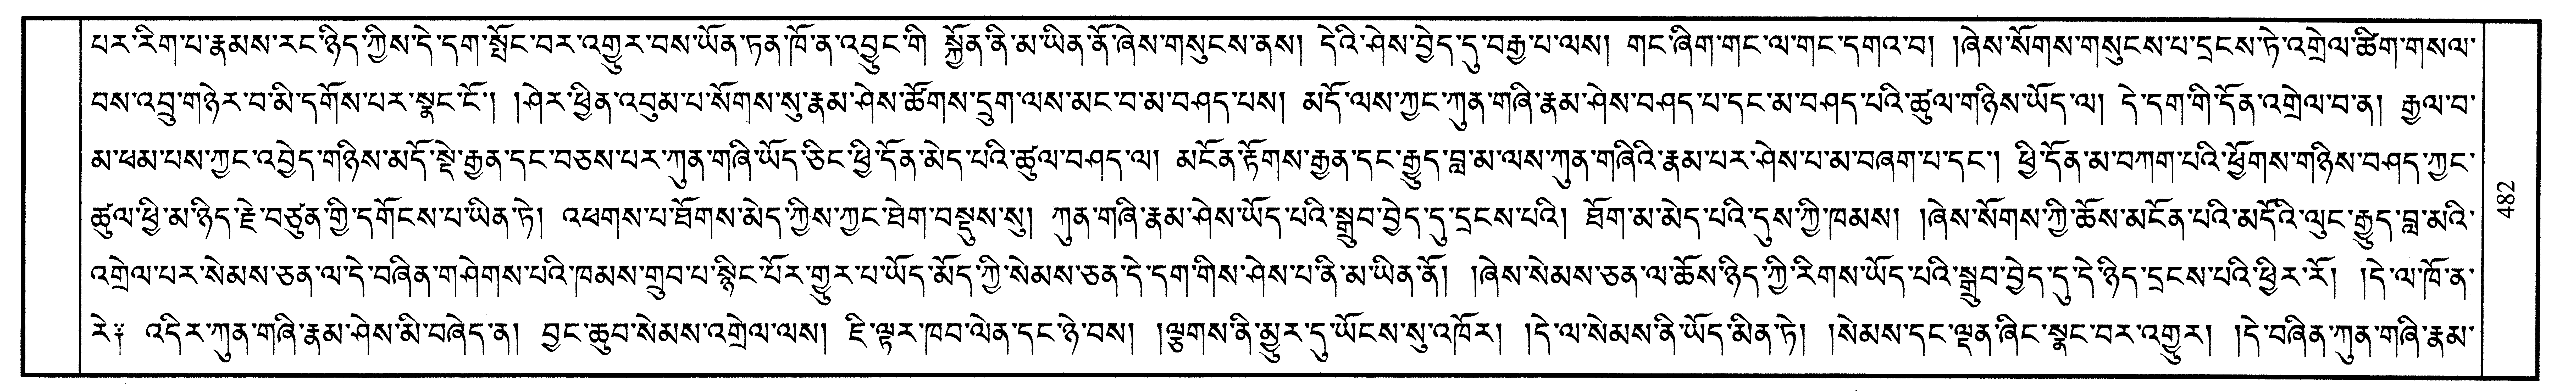པར་རིག་པ་རྣམས་རང་ཉིད་ཀྱིས་དེ་དག་སྤོང་བར་འགྱུར་བས་ཡོན་ཏན་ཁོ་ན་འབྱུང་གི་སྐྱོན་ནི་མ་ཡིན་ནོ་ཞེས་གསུངས་ནས། དེའི་ཤེས་བྱེད་དུ་བརྒྱ་པ་ལས། གང་ཞིག་གང་ལ་གང་དགའ་བ། །ཞེས་སོགས་གསུངས་པ་དྲངས་ཏེ་འགྲེལ་ཚིག་གསལ་
བས་འབྲུ་གཉེར་བ་མི་དགོས་པར་སྣང་ངོ། །ཤེར་ཕྱིན་འབུམ་པ་སོགས་སུ་རྣམ་ཤེས་ཚོགས་དྲུག་ལས་མང་བ་མ་བཤད་པས། མདོ་ལས་ཀྱང་ཀུན་གཞི་རྣམ་ཤེས་བཤད་པ་དང་མ་བཤད་པའི་ཚུལ་གཉིས་ཡོད་ལ། དེ་དག་གི་དོན་འགྲེལ་བ་ན། རྒྱལ་བ་
མ་ཕམ་པས་ཀྱང་འབྱེད་གཉིས་མདོ་སྡེ་རྒྱན་དང་བཅས་པར་ཀུན་གཞི་ཡོད་ཅིང་ཕྱི་དོན་མེད་པའི་ཚུལ་བཤད་ལ། མངོན་རྟོགས་རྒྱན་དང་རྒྱུད་བླ་མ་ལས་ཀུན་གཞིའི་རྣམ་པར་ཤེས་པ་མ་བཞག་པ་དང་། ཕྱི་དོན་མ་བཀག་པའི་ཕྱོགས་གཉིས་བཤད་ཀྱང་
ཚུལ་ཕྱི་མ་ཉིད་རྗེ་བཙུན་གྱི་དགོངས་པ་ཡིན་ཏེ། འཕགས་པ་ཐོགས་མེད་ཀྱིས་ཀྱང་ཐེག་བསྡུས་སུ། ཀུན་གཞི་རྣམ་ཤེས་ཡོད་པའི་སྒྲུབ་བྱེད་དུ་དྲངས་པའི། ཐོག་མ་མེད་པའི་དུས་ཀྱི་ཁམས། །ཞེས་སོགས་ཀྱི་ཆོས་མངོན་པའི་མདོའི་ལུང་རྒྱུད་བླ་མའི་
འགྲེལ་པར་སེམས་ཅན་ལ་དེ་བཞིན་གཤེགས་པའི་ཁམས་གྲུབ་པ་སྙིང་པོར་གྱུར་པ་ཡོད་མོད་ཀྱི་སེམས་ཅན་དེ་དག་གིས་ཤེས་པ་ནི་མ་ཡིན་ནོ། །ཞེས་སེམས་ཅན་ལ་ཆོས་ཉིད་ཀྱི་རིགས་ཡོད་པའི་སྒྲུབ་བྱེད་དུ་དེ་ཉིད་དྲངས་པའི་ཕྱིར་རོ། །དེ་ལ་ཁོ་ན་
རེ༑ འདིར་ཀུན་གཞི་རྣམ་ཤེས་མི་བཞེད་ན། བྱང་ཆུབ་སེམས་འགྲེལ་ལས། ཇི་ལྟར་ཁབ་ལེན་དང་ཉེ་བས། །ལྕགས་ནི་མྱུར་དུ་ཡོངས་སུ་འཁོར། །དེ་ལ་སེམས་ནི་ཡོད་མིན་ཏེ། །སེམས་དང་ལྡན་ཞིང་སྣང་བར་འགྱུར། །དེ་བཞིན་ཀུན་གཞི་རྣམ་